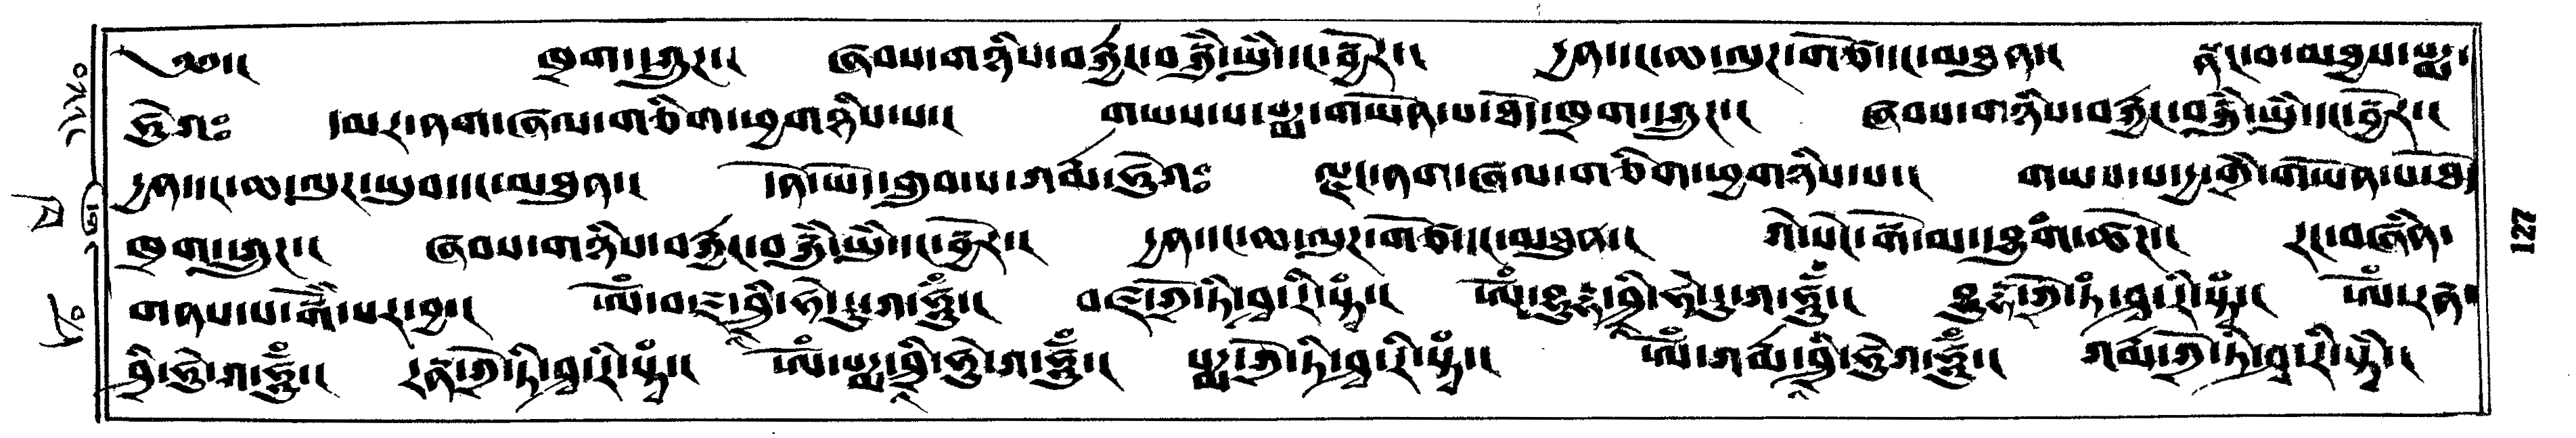ཁྲག་དཀྲུགས། ཞབས་གཉིས་བརྐྱང་བསྐུམ་ཡུམ་དང་སྦྱོར། །རྒྱན་དང་ཆ་ལུགས་གཙོ་དང་མཐུན། །སྣང་བ་མཐའ་ཡས་པདྨ་
ཧེ་རུ་ཀཿ །དམར་ནག་ཞལ་གཅིག་ཕྱག་གཉིས་པ། །གཡས་པ་པདྨ་གཡོན་པ་ཐོད་ཁྲག་དཀྲུགས། །ཞབས་གཉིས་བརྐྱང་བསྐུམ་ཡུམ་དང་སྦྱོར། །
རྒྱན་དང་ཆ་ལུགས་ཡབ་ཡུམ་མཐུན། །དོན་ཡོད་གྲུབ་པ་ཀརྨ་ཧེ་རུ་ཀཿ །ལྗང་ནག་ཞལ་གཅིག་ཕྱག་གཉིས་པ། །གཡས་པས་རྒྱ་གྲམ་གཡོན་པས་ཐོད་
ཁྲག་དཀྲུགས། །ཞབས་གཉིས་བརྐྱང་བསྐུམ་ཡུམ་དང་སྦྱོར། །རྒྱན་དང་ཆ་ལུགས་གཙོ་དང་མཐུན། །ཀེ་སེང་སྒོ་མ་དབང་ཕྱུག་ཚོགས། །རང་བཞིན་
གནས་པ་སྒོམ་པར་བྱ། ཨོཾ་བཛྲ་ཤྲཱི་ཧེ་རུ་ཀ་ཧཱུྃ། བཛྲ་ཀྲོ་ཏི་ཤྭ་རི་སྟྭཾ། ཨོཾ་བྷུདྷ་ཤྲཱི་ཧེ་རུ་ཀ་ཧཱུྃ། བྷུདྡྷ་ཀྲོ་ཏི་ཤྭ་རི་སྟྭཾ། ཨོཾ་རཏྣ་
ཤྲཱི་ཧེ་རུ་ཀ་ཧཱུྃ། རཏྣ་ཀྲོ་ཏི་ཤྭ་རི་སྟྭཾ། ཨོཾ་པདྨ་ཤྲཱི་ཧེ་རུ་ཀ་ཧཱུྃ། པདྨ་ཀྲོ་ཏི་ཤྭ་རི་སྟྭཾ། ཨོཾ་ཀརྨ་ཤྲཱི་ཧེ་རུ་ཀ་ཧཱུྃ། ཀརྨ་ཀྲོ་ཏི་ཤྭ་རི་སྟྭཾ།